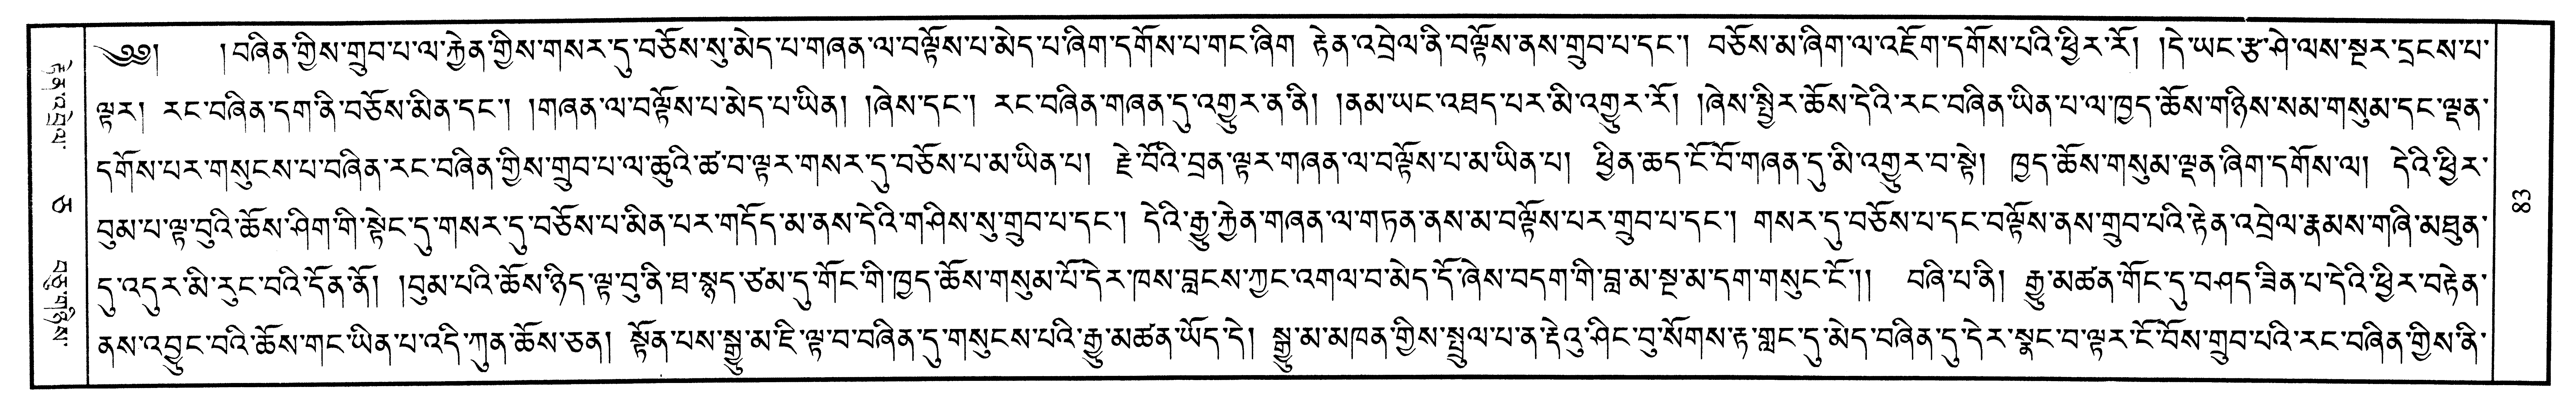༄༅། །བཞིན་གྱིས་གྲུབ་པ་ལ་རྐྱེན་གྱིས་གསར་དུ་བཅོས་སུ་མེད་པ་གཞན་ལ་བལྟོས་པ་མེད་པ་ཞིག་དགོས་པ་གང་ཞིག །རྟེན་འབྲེལ་ནི་བལྟོས་ནས་གྲུབ་པ་དང་། བཅོས་མ་ཞིག་ལ་འཇོག་དགོས་པའི་ཕྱིར་རོ། །དེ་ཡང་རྩ་ཤེ་ལས་སྔར་དྲངས་པ་
ལྟར། རང་བཞིན་དག་ནི་བཅོས་མིན་དང་། །གཞན་ལ་བལྟོས་པ་མེད་པ་ཡིན། །ཞེས་དང་། རང་བཞིན་གཞན་དུ་འགྱུར་ན་ནི། །ནམ་ཡང་འཐད་པར་མི་འགྱུར་རོ། །ཞེས་སྤྱིར་ཆོས་དེའི་རང་བཞིན་ཡིན་པ་ལ་ཁྱད་ཆོས་གཉིས་སམ་གསུམ་དང་ལྡན་
དགོས་པར་གསུངས་པ་བཞིན་རང་བཞིན་གྱིས་གྲུབ་པ་ལ་ཆུའི་ཚ་བ་ལྟར་གསར་དུ་བཅོས་པ་མ་ཡིན་པ། རྗེ་བོའི་བྲན་ལྟར་གཞན་ལ་བལྟོས་པ་མ་ཡིན་པ། ཕྱིན་ཆད་ངོ་བོ་གཞན་དུ་མི་འགྱུར་བ་སྟེ། ཁྱད་ཆོས་གསུམ་ལྡན་ཞིག་དགོས་ལ། དེའི་ཕྱིར་
བུམ་པ་ལྟ་བུའི་ཆོས་ཤིག་གི་སྟེང་དུ་གསར་དུ་བཅོས་པ་མིན་པར་གདོད་མ་ནས་དེའི་གཤིས་སུ་གྲུབ་པ་དང་། དེའི་རྒྱུ་རྐྱེན་གཞན་ལ་གཏན་ནས་མ་བལྟོས་པར་གྲུབ་པ་དང་། གསར་དུ་བཅོས་པ་དང་བལྟོས་ནས་གྲུབ་པའི་རྟེན་འབྲེལ་རྣམས་གཞི་མཐུན་
དུ་འདུར་མི་རུང་བའི་དོན་ནོ། །བུམ་པའི་ཆོས་ཉིད་ལྟ་བུ་ནི་ཐ་སྙད་ཙམ་དུ་གོང་གི་ཁྱད་ཆོས་གསུམ་པོ་དེར་ཁས་བླངས་ཀྱང་འགལ་བ་མེད་དོ་ཞེས་བདག་གི་བླ་མ་སྔ་མ་དག་གསུང་ངོ།། བཞི་པ་ནི། རྒྱུ་མཚན་གོང་དུ་བཤད་ཟིན་པ་དེའི་ཕྱིར་བརྟེན་
ནས་འབྱུང་བའི་ཆོས་གང་ཡིན་པ་འདི་ཀུན་ཆོས་ཅན། སྟོན་པས་སྒྱུ་མ་ཇི་ལྟ་བ་བཞིན་དུ་གསུངས་པའི་རྒྱུ་མཚན་ཡོད་དེ། སྒྱུ་མ་མཁན་གྱིས་སྤྲུལ་པ་ན་རྡེའུ་ཤིང་བུ་སོགས་རྟ་གླང་དུ་མེད་བཞིན་དུ་དེར་སྣང་བ་ལྟར་ངོ་བོས་གྲུབ་པའི་རང་བཞིན་གྱིས་ནི་